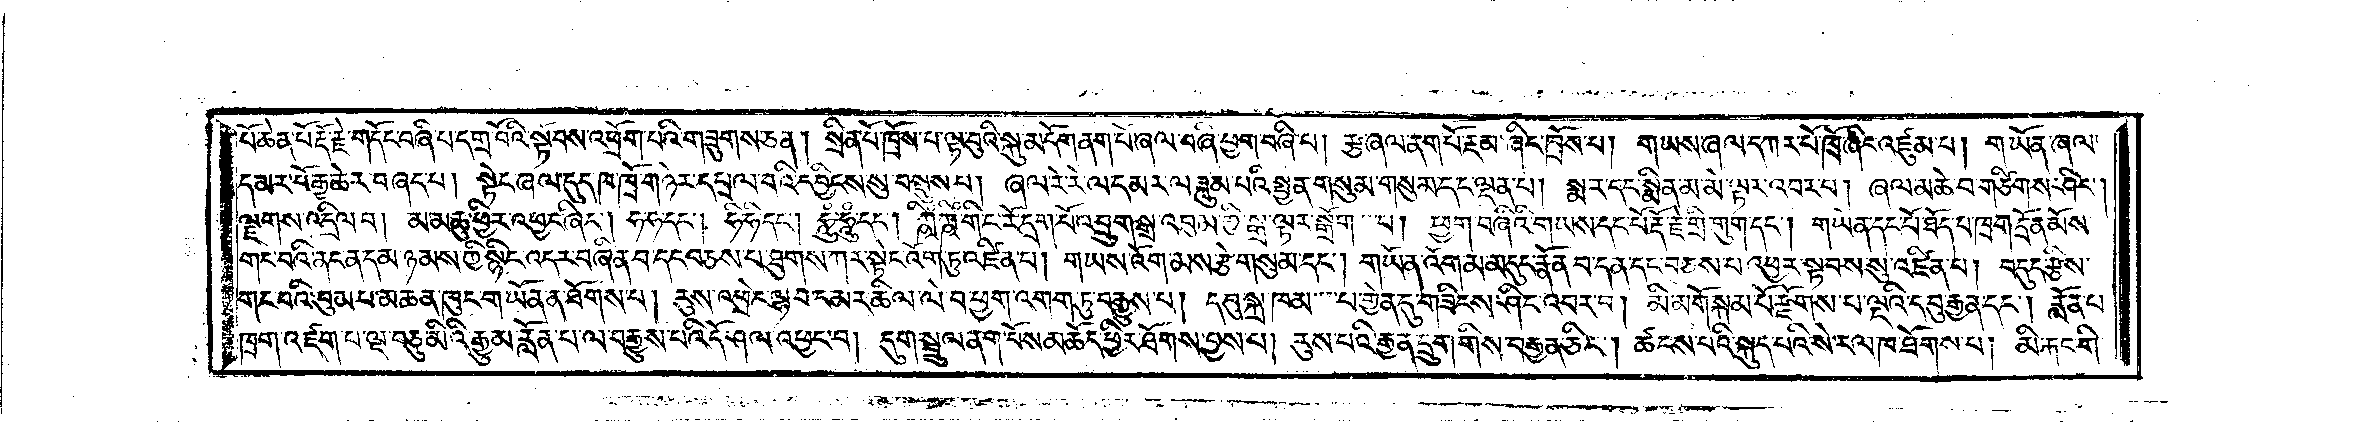པོ་ཆེན་པོ་རྡོ་རྗེ་གདོང་བཞི་བ་དགྲ་བོའི་སྟོབས་འཕྲོག་པའི་གཟུགས་ཅན། སྲིན་པོ་ཁྲོས་པ་ལྟ་བུའི་སྐུ་མདོག་ནག་པོ་ཞལ་བཞི་ཕྱག་བཞི་པ། རྩ་ཞལ་ནག་པོ་རྔམ་ཞིང་ཁྲོས་པ། གཡས་ཞལ་དཀར་པོ་ཁྲོ་ཞིང་འཛུམ་པ། གཡོན་ཞལ་
དམར་པོ་རྒྱ་ཆེར་བཞད་པ། སྟེང་ཞལ་དུད་ཁ་ཁྲོ་གཉེར་དཔྲལ་བའི་དབྱིངས་སུ་བསྡུས་པ། ཞལ་རེ་རེ་ལ་དམར་ལ་ཟླུམ་པའི་སྤྱན་གསུམ་གསུམ་དང་ལྡན་པ། སྨ་ར་དང་སྨིན་མ་མེ་ལྟར་འབར་བ། ཞལ་མཆེ་བ་གཙིགས་ཤིང་།
ལྗགས་འདྲིལ་བ། མ་མཆུ་ཕྱིར་འཕྱང་ཞིང་། ཧ་ཧ་དང་། ཧི་ཧི་དང་། ཧཱུཾ་ཧཱུཾ་དང་། ཀྵི་ཀཥི་གི་ང་རོ་དྲག་པོ་འབྲུག་སྒྲ་འབུམ་གྱི་སྒྲ་ལྟར་སྒྲོག་པ། ཕྱག་བཞིའི་གཡས་དང་པོ་རྡོ་རྗེ་གྲི་གུག་དང་། གཡོན་དང་པོ་ཐོད་པ་ཁྲག་དྲོན་མོས་
གང་བའི་ནང་ན་དམ་ཉམས་ཀྱི་སྙིང་འདར་བཞིན་པ་དང་བཅས་པ་ཐུགས་ཀར་སྟེང་འོག་ཏུ་འཛིན་པ། གཡས་འོག་མས་རྩེ་གསུམ་དང་། གཡོན་འོག་མ་མདུང་རྣོན་བ་དན་དང་བཅས་པ་འཕྱར་སྟབས་སུ་འཛིན་པ། བདུད་རྩིས་
གང་བའི་བུམ་པ་མཆན་ཁུང་གཡོན་ན་ཐོགས་པ། རུས་འཕྲེང་ལྷ་བ་དམར་ཆིལ་ལེ་བ་ཕྱག་འགག་ཏུ་བརྒྱུས་པ། དབུ་སྐྲ་ཁམ་པ་གྱེན་དུ་གཟིངས་ཤིང་འབར་བ། མི་མགོ་སྐམ་པོ་རྫོགས་པ་ལྔའི་དབུ་རྒྱན་དང་། རློན་པ་
ཁྲག་འཛག་པ་ལྔ་བཅུ་མིའི་རྒྱུ་མ་རློན་པ་ལ་བརྒྱུས་པའི་དོ་ཤལ་འཕྱང་བ། དུག་སྦྲུལ་ནག་པོས་མཆོད་ཕྱིར་ཐོགས་བྱས་པ། རུས་པའི་རྒྱན་དྲུག་གིས་བརྒྱན་ཅིང་། ཚངས་པའི་སྐུད་པའི་སེ་རལ་ཁ་ཐོགས་པ། མི་རྐང་གི་